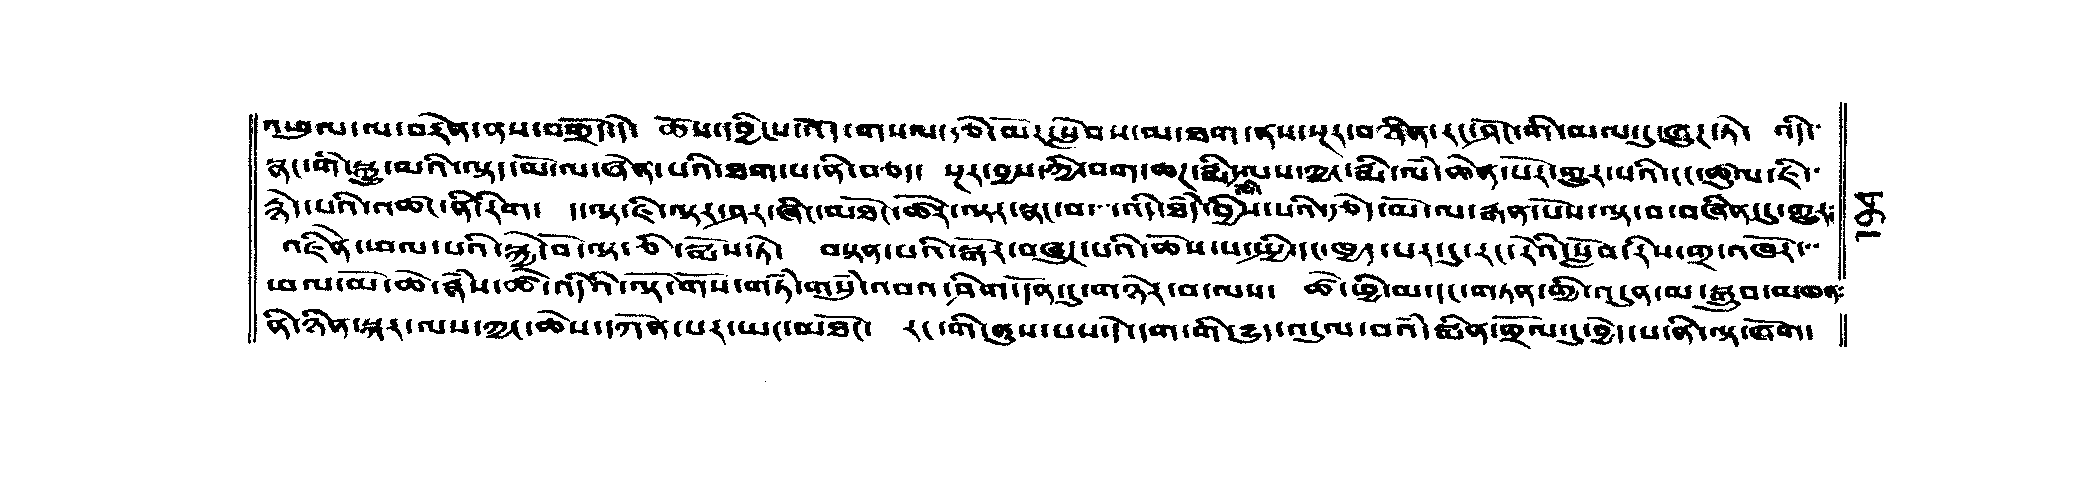འཕུལ་ལ་བརྟེན་ནས་བགྲོད་དེ། ཆོས་དབྱིངས་འོད་གསལ་རྩེ་མོར་སླེབས་མ་ཐག་ནས་སྔར་བཞིན་རང་ཤོང་གི་མལ་དུ་ཞུགས་ཏེ། འདི་
སྣང་གི་སྒྱུ་མའི་ལྟད་མོ་ལ་ཞེན་པའི་ཐག་པ་ནི་བཅད། སྔར་བྱས་ཀྱི་བག་ཆགས་རྨི་ལམ་ལས་ཀྱང་རྨི་ལམ་ཆེན་པོར་གྱུར་པའི་ངང་ཚུལ་ཇི་
རྙེད་པའི་མཚང་ནི་རིག ད་ལྟ་ཇི་ལྟར་ཤར་ཞིང་མཐོང་ཚོར་ལྟར་སྣང་བ་འདི་ཐམས་ཅད་བྱིས་པའི་རྩེད་མོ་ལ་རྒན་པོས་ལྟ་བ་བཞིན་དུ་གྱུར། 
འཇིག་རྟེན་ཕལ་པའི་སྐྱེ་བོ་ལྟ་ཅི་སྨོས་ཏེ། བསྟན་པའི་སྒོར་ཞུགས་པའི་ཆོས་པ་སྤྱི་དང་ཁྱད་པར་དུ་རང་རེའི་སློབ་རིགས་གྲྭ་འཁོར་
ཕལ་མོ་ཆེ་རྣམས་ཚེ་འདིའི་ལྟོ་གོས་གཏམ་གསུམ་འབའ་ཤིག་དོན་དུ་གཉེར་བ་ལས། ཚེ་ཕྱི་མ་དང་གཏན་གྱི་འདུན་མ་སྒྲུབ་མཁན་
ནི་ཉིན་སྐར་ལས་ཀྱང་ཆེས་དཀོན་པར་ཡང་མཐོང་། རང་གི་ནུས་པས་དེ་དག་གི་རྒྱུད་འདུལ་བའི་སྨིན་གྲོལ་དུ་བྱེད་པ་ནི་ལྟ་ཞོག